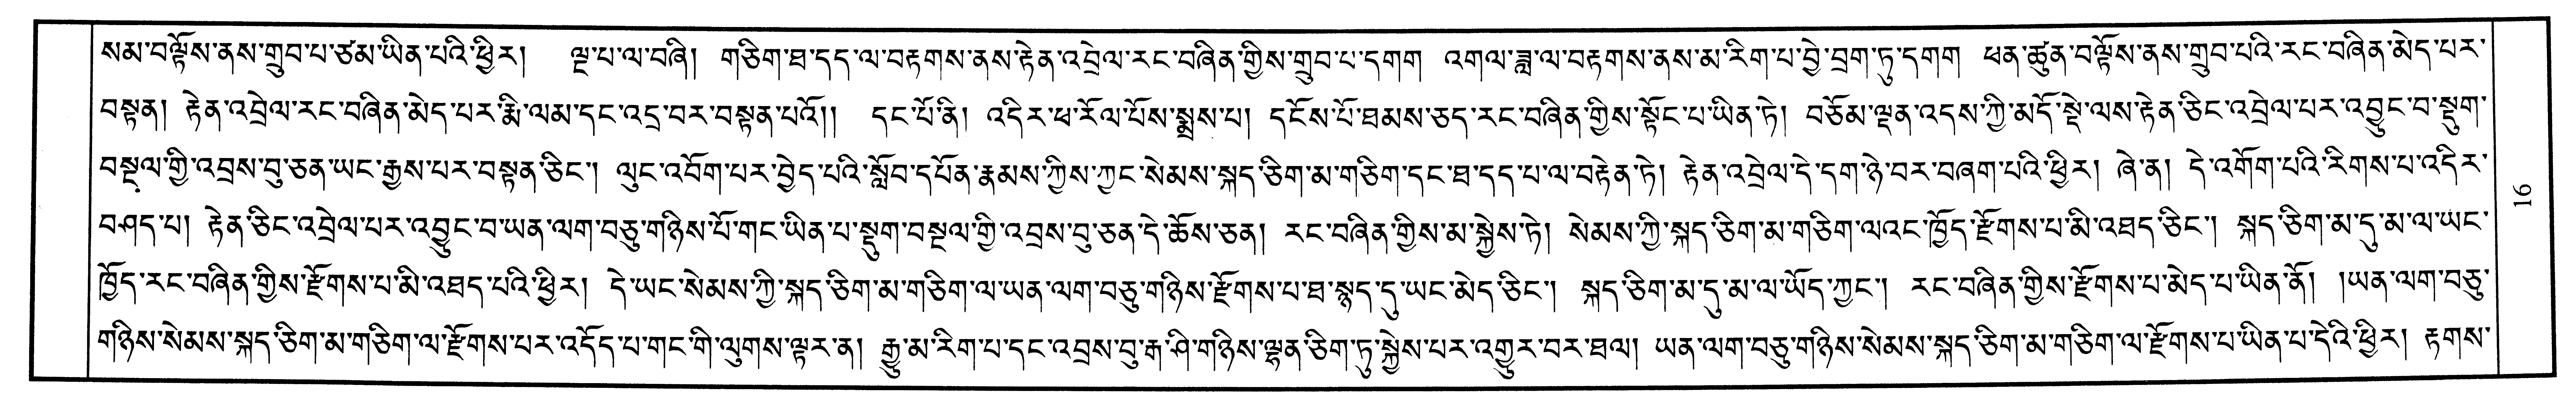སམ་བལྟོས་ནས་གྲུབ་པ་ཙམ་ཡིན་པའི་ཕྱིར། ལྔ་པ་ལ་བཞི། གཅིག་ཐ་དད་ལ་བརྟགས་ནས་རྟེན་འབྲེལ་རང་བཞིན་གྱིས་གྲུབ་པ་དགག་འགལ་ཟླ་ལ་བརྟགས་ནས་མ་རིག་པ་བྱེ་བྲག་ཏུ་དགག་ཕན་ཚུན་བལྟོས་ནས་གྲུབ་པའི་རང་བཞིན་མེད་པར་
བསྟན། རྟེན་འབྲེལ་རང་བཞིན་མེད་པར་རྨི་ལམ་དང་འདྲ་བར་བསྟན་པའོ།། དང་པོ་ནི། འདིར་ཕ་རོལ་པོས་སྨྲས་པ། དངོས་པོ་ཐམས་ཅད་རང་བཞིན་གྱིས་སྟོང་པ་ཡིན་ཏེ། བཅོམ་ལྡན་འདས་ཀྱི་མདོ་སྡེ་ལས་རྟེན་ཅིང་འབྲེལ་པར་འབྱུང་བ་སྡུག་
བསྔལ་གྱི་འབྲས་བུ་ཅན་ཡང་རྒྱས་པར་བསྟན་ཅིང་། ལུང་འབོག་པར་བྱེད་པའི་སློབ་དཔོན་རྣམས་ཀྱིས་ཀྱང་སེམས་སྐད་ཅིག་མ་གཅིག་དང་ཐ་དད་པ་ལ་བརྟེན་ཏེ། རྟེན་འབྲེལ་དེ་དག་ཉེ་བར་བཞག་པའི་ཕྱིར། ཞེ་ན། དེ་འགོག་པའི་རིགས་པ་འདིར་
བཤད་པ། རྟེན་ཅིང་འབྲེལ་པར་འབྱུང་བ་ཡན་ལག་བཅུ་གཉིས་པོ་གང་ཡིན་པ་སྡུག་བསྔལ་གྱི་འབྲས་བུ་ཅན་དེ་ཆོས་ཅན། རང་བཞིན་གྱིས་མ་སྐྱེས་ཏེ། སེམས་ཀྱི་སྐད་ཅིག་མ་གཅིག་ལའང་ཁྱོད་རྫོགས་པ་མི་འཐད་ཅིང་། སྐད་ཅིག་མ་དུ་མ་ལ་ཡང་
ཁྱོད་རང་བཞིན་གྱིས་རྫོགས་པ་མི་འཐད་པའི་ཕྱིར། དེ་ཡང་སེམས་ཀྱི་སྐད་ཅིག་མ་གཅིག་ལ་ཡན་ལག་བཅུ་གཉིས་རྫོགས་པ་ཐ་སྙད་དུ་ཡང་མེད་ཅིང་། སྐད་ཅིག་མ་དུ་མ་ལ་ཡོད་ཀྱང་། རང་བཞིན་གྱིས་རྫོགས་པ་མེད་པ་ཡིན་ནོ། །ཡན་ལག་བཅུ་
གཉིས་སེམས་སྐད་ཅིག་མ་གཅིག་ལ་རྫོགས་པར་འདོད་པ་གང་གི་ལུགས་ལྟར་ན། རྒྱུ་མ་རིག་པ་དང་འབྲས་བུ་རྒ་ཤི་གཉིས་ལྷན་ཅིག་ཏུ་སྐྱེས་པར་འགྱུར་བར་ཐལ། ཡན་ལག་བཅུ་གཉིས་སེམས་སྐད་ཅིག་མ་གཅིག་ལ་རྫོགས་པ་ཡིན་པ་དེའི་ཕྱིར། རྟགས་